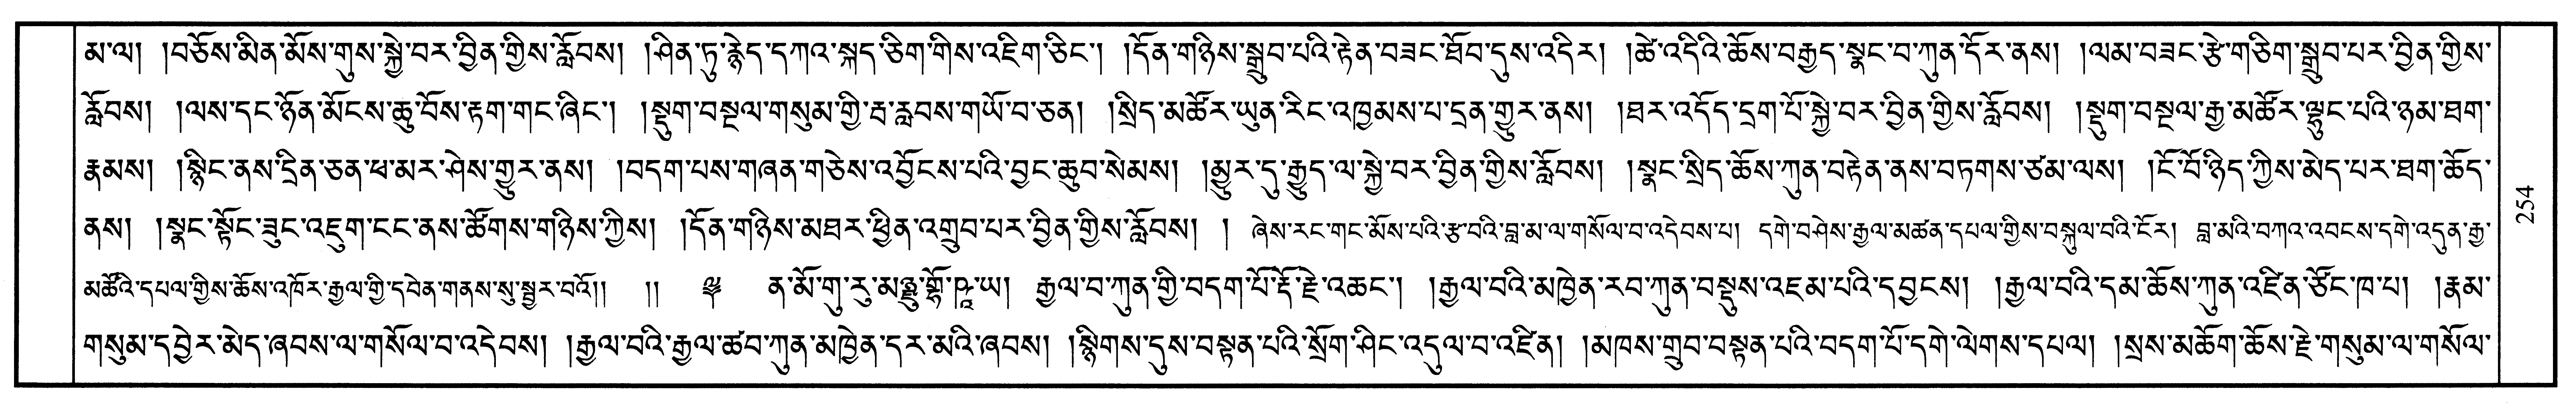མ་ལ། །བཅོས་མིན་མོས་གུས་སྐྱེ་བར་བྱིན་གྱིས་རློབས། །ཤིན་ཏུ་རྙེད་དཀའ་སྐད་ཅིག་གིས་འཇིག་ཅིང་། །དོན་གཉིས་སྒྲུབ་པའི་རྟེན་བཟང་ཐོབ་དུས་འདིར། །ཚེ་འདིའི་ཆོས་བརྒྱད་སྣང་བ་ཀུན་དོར་ནས། །ལམ་བཟང་རྩེ་གཅིག་སྒྲུབ་པར་བྱིན་གྱིས་
རློབས། །ལས་དང་ཉོན་མོངས་ཆུ་བོས་རྟག་གང་ཞིང་། །སྡུག་བསྔལ་གསུམ་གྱི་རྦ་རླབས་གཡོ་བ་ཅན། །སྲིད་མཚོར་ཡུན་རིང་འཁྱམས་པ་དྲན་གྱུར་ནས། །ཐར་འདོད་དྲག་པོ་སྐྱེ་བར་བྱིན་གྱིས་རློབས། །སྡུག་བསྔལ་རྒྱ་མཚོར་ལྷུང་པའི་ཉམ་ཐག་
རྣམས། །སྙིང་ནས་དྲིན་ཅན་ཕ་མར་ཤེས་གྱུར་ནས། །བདག་པས་གཞན་གཅེས་འབྱོངས་པའི་བྱང་ཆུབ་སེམས། །མྱུར་དུ་རྒྱུད་ལ་སྐྱེ་བར་བྱིན་གྱིས་རློབས། །སྣང་སྲིད་ཆོས་ཀུན་བརྟེན་ནས་བཏགས་ཙམ་ལས། །ངོ་བོ་ཉིད་ཀྱིས་མེད་པར་ཐག་ཆོད་
ནས། །སྣང་སྟོང་ཟུང་འཇུག་ངང་ནས་ཚོགས་གཉིས་ཀྱིས། །དོན་གཉིས་མཐར་ཕྱིན་འགྲུབ་པར་བྱིན་གྱིས་རློབས། །ཞེས་རང་གང་མོས་པའི་རྩ་བའི་བླ་མ་ལ་གསོལ་བ་འདེབས་པ། དགེ་བཤེས་རྒྱལ་མཚན་དཔལ་གྱིས་བསྐུལ་བའི་ངོར། །བླ་མའི་བཀའ་འབངས་དགེ་འདུན་རྒྱ་
མཚོའི་དཔལ་གྱིས་ཆོས་འཁོར་རྒྱལ་གྱི་དབེན་གནས་སུ་སྦྱར་བའོ།། །། ༈ ན་མོ་གུ་རུ་མཉྫུ་གྷོ་ཥཱ་ཡ། རྒྱལ་བ་ཀུན་གྱི་བདག་པོ་རྡོ་རྗེ་འཆང་། །རྒྱལ་བའི་མཁྱེན་རབ་ཀུན་བསྡུས་འཇམ་པའི་དབྱངས། །རྒྱལ་བའི་དམ་ཆོས་ཀུན་འཛིན་ཙོང་ཁ་པ། །རྣམ་
གསུམ་དབྱེར་མེད་ཞབས་ལ་གསོལ་བ་འདེབས། །རྒྱལ་བའི་རྒྱལ་ཚབ་ཀུན་མཁྱེན་དར་མའི་ཞབས། །སྙིགས་དུས་བསྟན་པའི་སྲོག་ཤིང་འདུལ་བ་འཛིན། །མཁས་གྲུབ་བསྟན་པའི་བདག་པོ་དགེ་ལེགས་དཔལ། །སྲས་མཆོག་ཆོས་རྗེ་གསུམ་ལ་གསོལ་